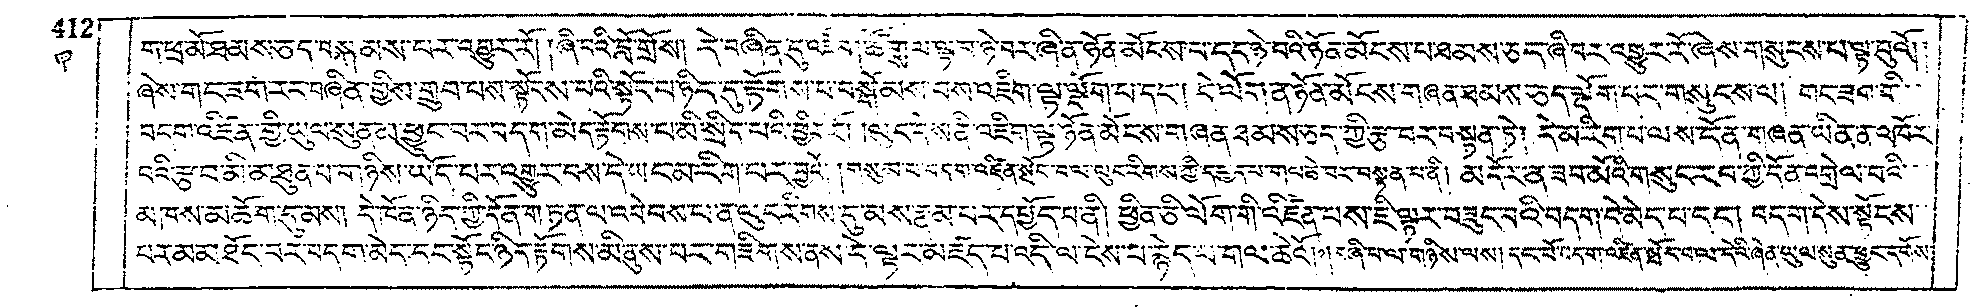ག་ཕྲ་མོ་ཐམས་ཅད་བསྐམས་པར་འགྱུར་རོ། །ཞི་བའི་བློ་གྲོས། དེ་བཞིན་དུ་འཇིག་ཚོགས་ལྟ་བ་ཉེ་བར་ཞི་ན་ཉོན་མོངས་པ་དང་ཉེ་བའི་ཉོན་མོངས་པ་ཐམས་ཅད་ཞི་བར་འགྱུར་རོ་ཞེས་གསུངས་པ་ལྟ་བུའོ། །
ཞེས་གང་ཟག་རང་བཞིན་གྱིས་གྲུབ་པས་སྟོངས་པའི་སྟོང་པ་ཉིད་དུ་རྟོགས་པ་བསྒོམས་པས་འཇིག་ལྟ་ལྡོག་པ་དང་། དེ་ལོག་ན་ཉོན་མོངས་གཞན་ཐམས་ཅད་ལྡོག་པར་གསུངས་ལ། གང་ཟག་གི་
བདག་འཛིན་གྱི་ཡུལ་སུན་མ་ཕྱུང་བར་བདག་མེད་རྟོགས་པ་མི་སྲིད་པའི་ཕྱིར་རོ། །ལུང་དེས་ནི་འཇིག་ལྟ་ཉོན་མོངས་གཞན་ཐམས་ཅད་ཀྱི་རྩ་བར་བསྟན་ཏེ། དེ་མ་རིག་པ་ལས་དོན་གཞན་ཡིན་ན་འཁོར་
བའི་རྩ་བ་མི་མཐུན་པ་གཉིས་ཡོད་པར་འགྱུར་བས་དེ་ཡང་མ་རིག་པར་བྱའོ། །གསུམ་པ་བདག་འཛིན་སྤོང་བ་ལ་ལུང་རིགས་ཀྱི་དཔྱད་པ་གལ་ཆེ་བར་བསྟན་པ་ནི།  མདོར་ན་ཟབ་མོའི་གསུང་རབ་ཀྱི་དོན་འགྲེལ་བའི་
མཁས་མཆོག་དུ་མས། དེ་ཁོ་ན་ཉིད་ཀྱི་དོན་གཏན་ལ་འབེབས་པ་ན་ལུང་རིགས་དུ་མས་རྣམ་པར་དཔྱོད་པ་ནི། ཕྱིན་ཅི་ལོག་གི་འཛིན་པས་ཇི་ལྟར་བཟུང་བའི་བདག་དེ་མེད་པ་དང་། བདག་དེས་སྟོངས་
པར་མ་མཐོང་བར་བདག་མེད་དང་སྟོང་ཉིད་རྟོགས་མི་ནུས་པར་གཟིགས་ནས་དེ་ལྟར་མཛད་པ་འདི་ལ་ངེས་པ་རྙེད་པ་གལ་ཆེའི། །བཞི་པ་ལ་གཉིས་ལས། དང་པོ་བདག་འཛིན་སྤོང་བ་ལ་དེའི་ཞེན་ཡུལ་སུན་ཕྱུང་དགོས་